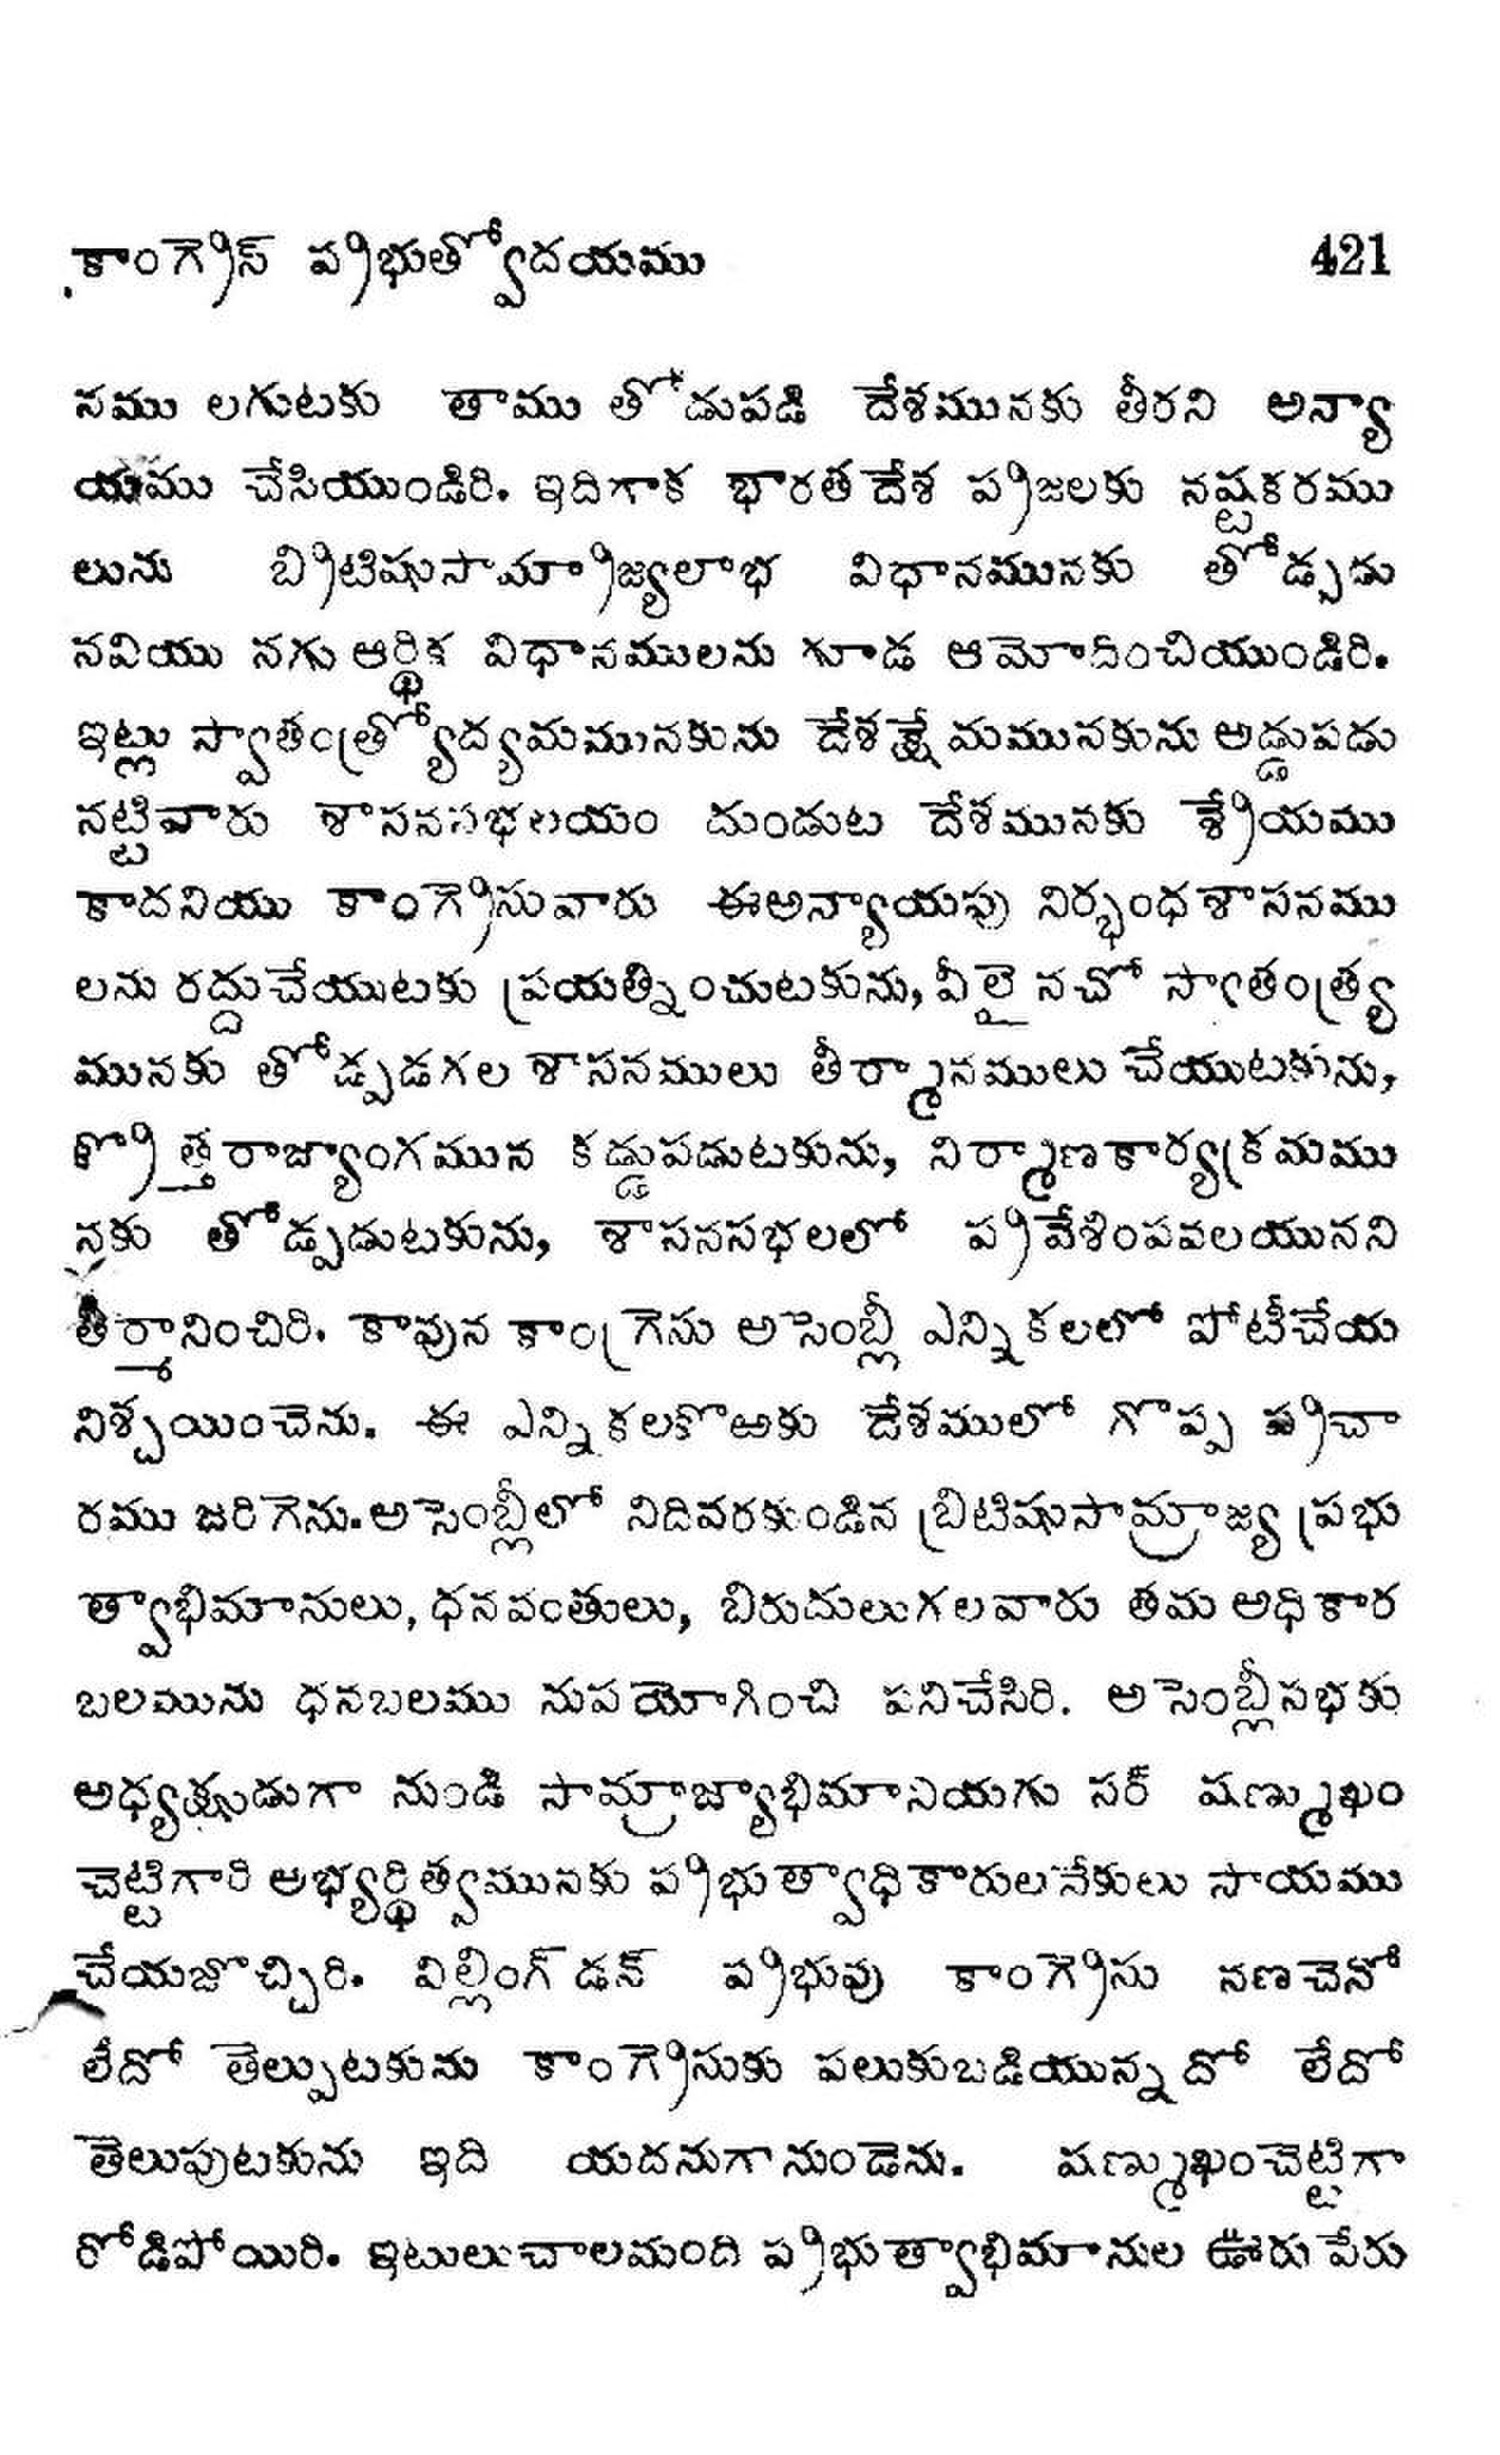నము లగుటకు తాము తోడుపడి దేశమునకు తీరని అన్యాయము చేసియుండిరి. ఇదిగాక భారతదేశ ప్రజలకు నష్టకరములును బ్రిటిషుసామ్రాజ్యలాభ విధానమునకు తోడ్పడునవియు నగు ఆర్థిక విధానములను గూడ ఆమోదించియుండిరి. ఇట్లు స్వాతంత్ర్యోద్యమమునకును దేశక్షేమమునకును అడ్డుపడు నట్టివారు శాసనసభలయం దుండుట దేశమునకు శ్రేయము కాదనియు కాంగ్రెసువారు ఈఅన్యాయపు నిర్భంధశాసనములను రద్దుచేయుటకు ప్రయత్నించుటకును, వీలైనచో స్వాతంత్ర్యమునకు తోడ్పడగల శాసనములు తీర్మానములు చేయుటకును, క్రొత్తరాజ్యాంగమున కడ్డుపడుటకును, నిర్మాణకార్యక్రమమునకు తోడ్పడుటకును, శాసనసభలలో ప్రవేశింపవలయునని తీర్మానించిరి. కావున కాంగ్రెసు అసెంబ్లీ ఎన్నికలలో పోటీచేయ నిశ్చయించెను. ఈ ఎన్నికలకొఱుకు దేశములో గొప్ప ప్రచారము జరిగెను. అసెంబ్లీలో నిదివరకుండిన బ్రిటిషు సామ్రాజ్య ప్రభుత్వాభిమానులు, ధనవంతులు, బిరుదులుగలవారు తమఅధికార బలమును ధనబలము నుపయోగించి పనిచేసిరి. అసెంబ్లీసభకు అధ్యక్షుడుగా నుండి సామ్రాజ్యాభిమానియగు సర్ షణ్ముఖం చెట్టిగారి అభ్యర్థిత్వముసకు ప్రభుత్వాధికారులనేకులు సాయము చేయజొచ్చిరి. విల్లింగ్ డన్ ప్రభువు కాంగ్రెసు నణచెనో లేదో తెల్పుటకును కాంగ్రెసుకు పలుకుబడియున్నదో లేదో తెలుపుటకును ఇది యదనుగానుండెను. షణ్ముఖంచెట్టిగా రోడిపోయిరి. ఇటులుచాలమంది ప్రభుత్వాభిమానుల ఊరుపేరు